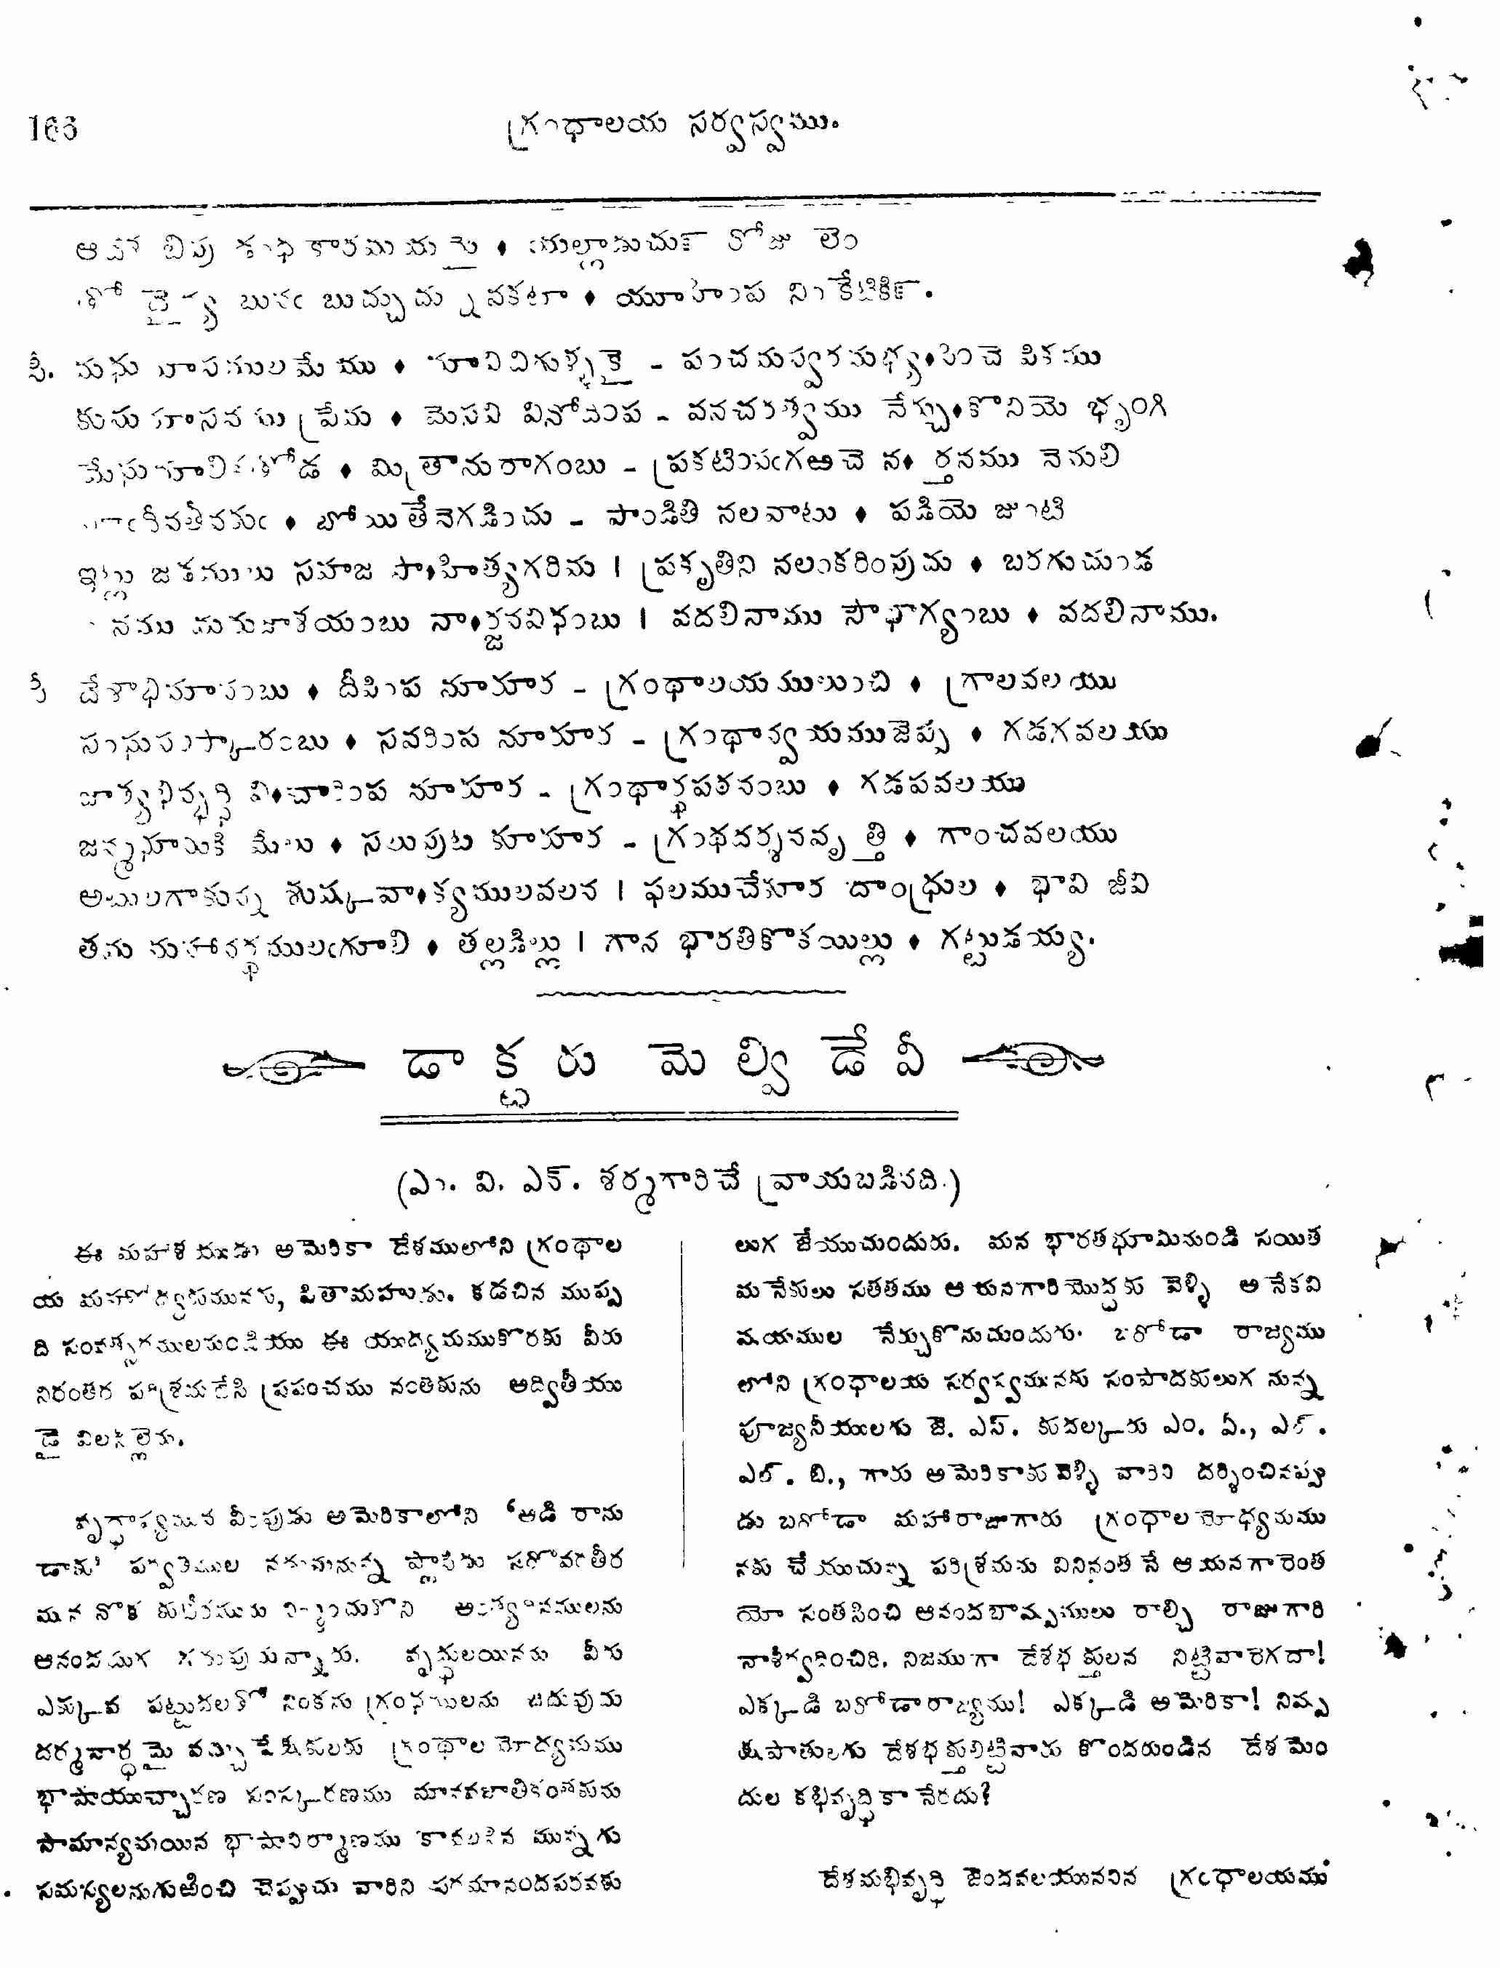ఆహా బిపు డంధకారమయమై♦యల్లాడుచు౯ రోజు లెం
తో ధైర్యంబునఁ బుచ్చుచున్నవకటా♦యూహింప నింకేటికి౯.

సీ. మధు మాసముల మేయు♦మావి చిగుళ్ళకై - పంచమస్వరమభ్య♦సించె పికము
కుసుమాసనము ప్రేమ మెసవి వినోదింప - వనచరత్వము నేర్చు♦కొనియె భృంగి
మేఘమాలికతోడ♦మిత్రానురాగంబు - ప్రకటింపఁగఱచె న♦ర్తనము నెమలి
పూదీవఁతీవకుఁ♦ బోయితేనెగడించు - పాండితి నలవాటు♦పడియె జుంటి
ఇట్లు జడములు సహజ సా♦హిత్యగరిమ/ ప్రకృతిని నలంకరింపుచు♦బరగుచుండ
మనము మనుజాశయంబు నార్జన విధంబు వదలినాము సౌభాగ్యంబు♦వదలినాము.

సీ. దేశాభిమానంబు♦ దీపింప నూరూర - గ్రంథాలయములుంచి♦గ్రాలవలయు
సంఘసంస్కారంబు♦ సవరింప నూరూర - గ్రంథాన్వయముజెప్ప♦గడగవలయు
జాత్యభివృద్ధి వి♦చారింప నూహర- గ్రంథార్థపఠనంబు ♦ గడపవలయు
జన్మభూమికి మేలు సలుపుట కూరూర - గ్రంథదర్శనవృత్తి♦గాంచవలయు
అటులగాకున్న శుష్క వాక్యములవలన ఫలము చేకూర దాంధ్రుల♦ భావి జీవి
తమ మహానర్థములఁగూలి తల్లడిల్లు |గాన భారతికొకయిల్లు♦గట్టుడయ్య. 

ఈ మహాశయుడు అమెరికా దేశములోని గ్రంథాలయ మహోధ్వమమునుకు, పితామహుడు. కడచిన ముప్పది సంవత్సరములనుండియు ఈ యుద్యమముకొరకు వీరు నిరంతర పరిశ్రమ జేసి ప్రపంచమునంతకును అద్వితీయుడై విలసిల్లెను.

వృద్ధాప్యమున వీరిపుడు అమెరికాలోని 'ఆడి రాను
డాకు' పర్వతముల నడుమనున్న ప్లాసేడు సరోవరతీరమున నొక కుటీరమును నిర్మించుకొని అంత్యదినములను ఆనందముగ గడుపుచున్నారు. వృద్ధులయినకు వీగు ఎక్కువ పట్టుదలతో నింకను గ్రంధములను జదువుచు 
దర్శనార్ధమై వచ్చు పేక్షకులకు గ్రంథాలయోద్యమము
భాషాయుచ్చారణ సంస్కరణము మానవజాతికంతకును
సామాన్యమయిన భాషానిర్మాణము కావలసిన మున్నగు సమస్యలను గుఱించి చెప్పుచు వారిని పరమానంద పరవశులుగ జేయుచుందురు. మన భారతభూమినుండి సయితమనేకులు సతతము ఆయన గారి యొద్దకు వెళ్ళి అనేక విషయముల నేర్చుకొనుచుందురు. బరోడా రాజ్యములోని గ్రంధాలయ సర్వస్వమునకు సంపాదకులుగ నున్న పూజ్యనీయులగు జె.ఎస్.కుదల్కరు ఎం. ఏ., ఎల్.ఎల్.బి., గారు అమెరికాకు వెళ్ళి వారిని దర్శించినప్పుడు బరోడా మహారాజుగారు గ్రంధాలయోధ్యమమునకు చేయుచున్న పరిశ్రమను వినినంతనే ఆయన గారెంతయో సంతసించి ఆనందబాష్పములు రాల్చి రాజు గారి నాశీర్వదించిరి. నిజముగా దేశభక్తులన నిట్టివారెగదా! ఎక్కడి బరోడారాజ్యము! ఎక్కడి అమెరికా! నిష్పక్షపాతులగు దేశభక్తు లిట్టివారు కొందరుండిన దేశమెందులకభివృద్ధి కానేరదు?

దేశమభివృద్ధి జెందవలయునవిన గ్రంథాలయము